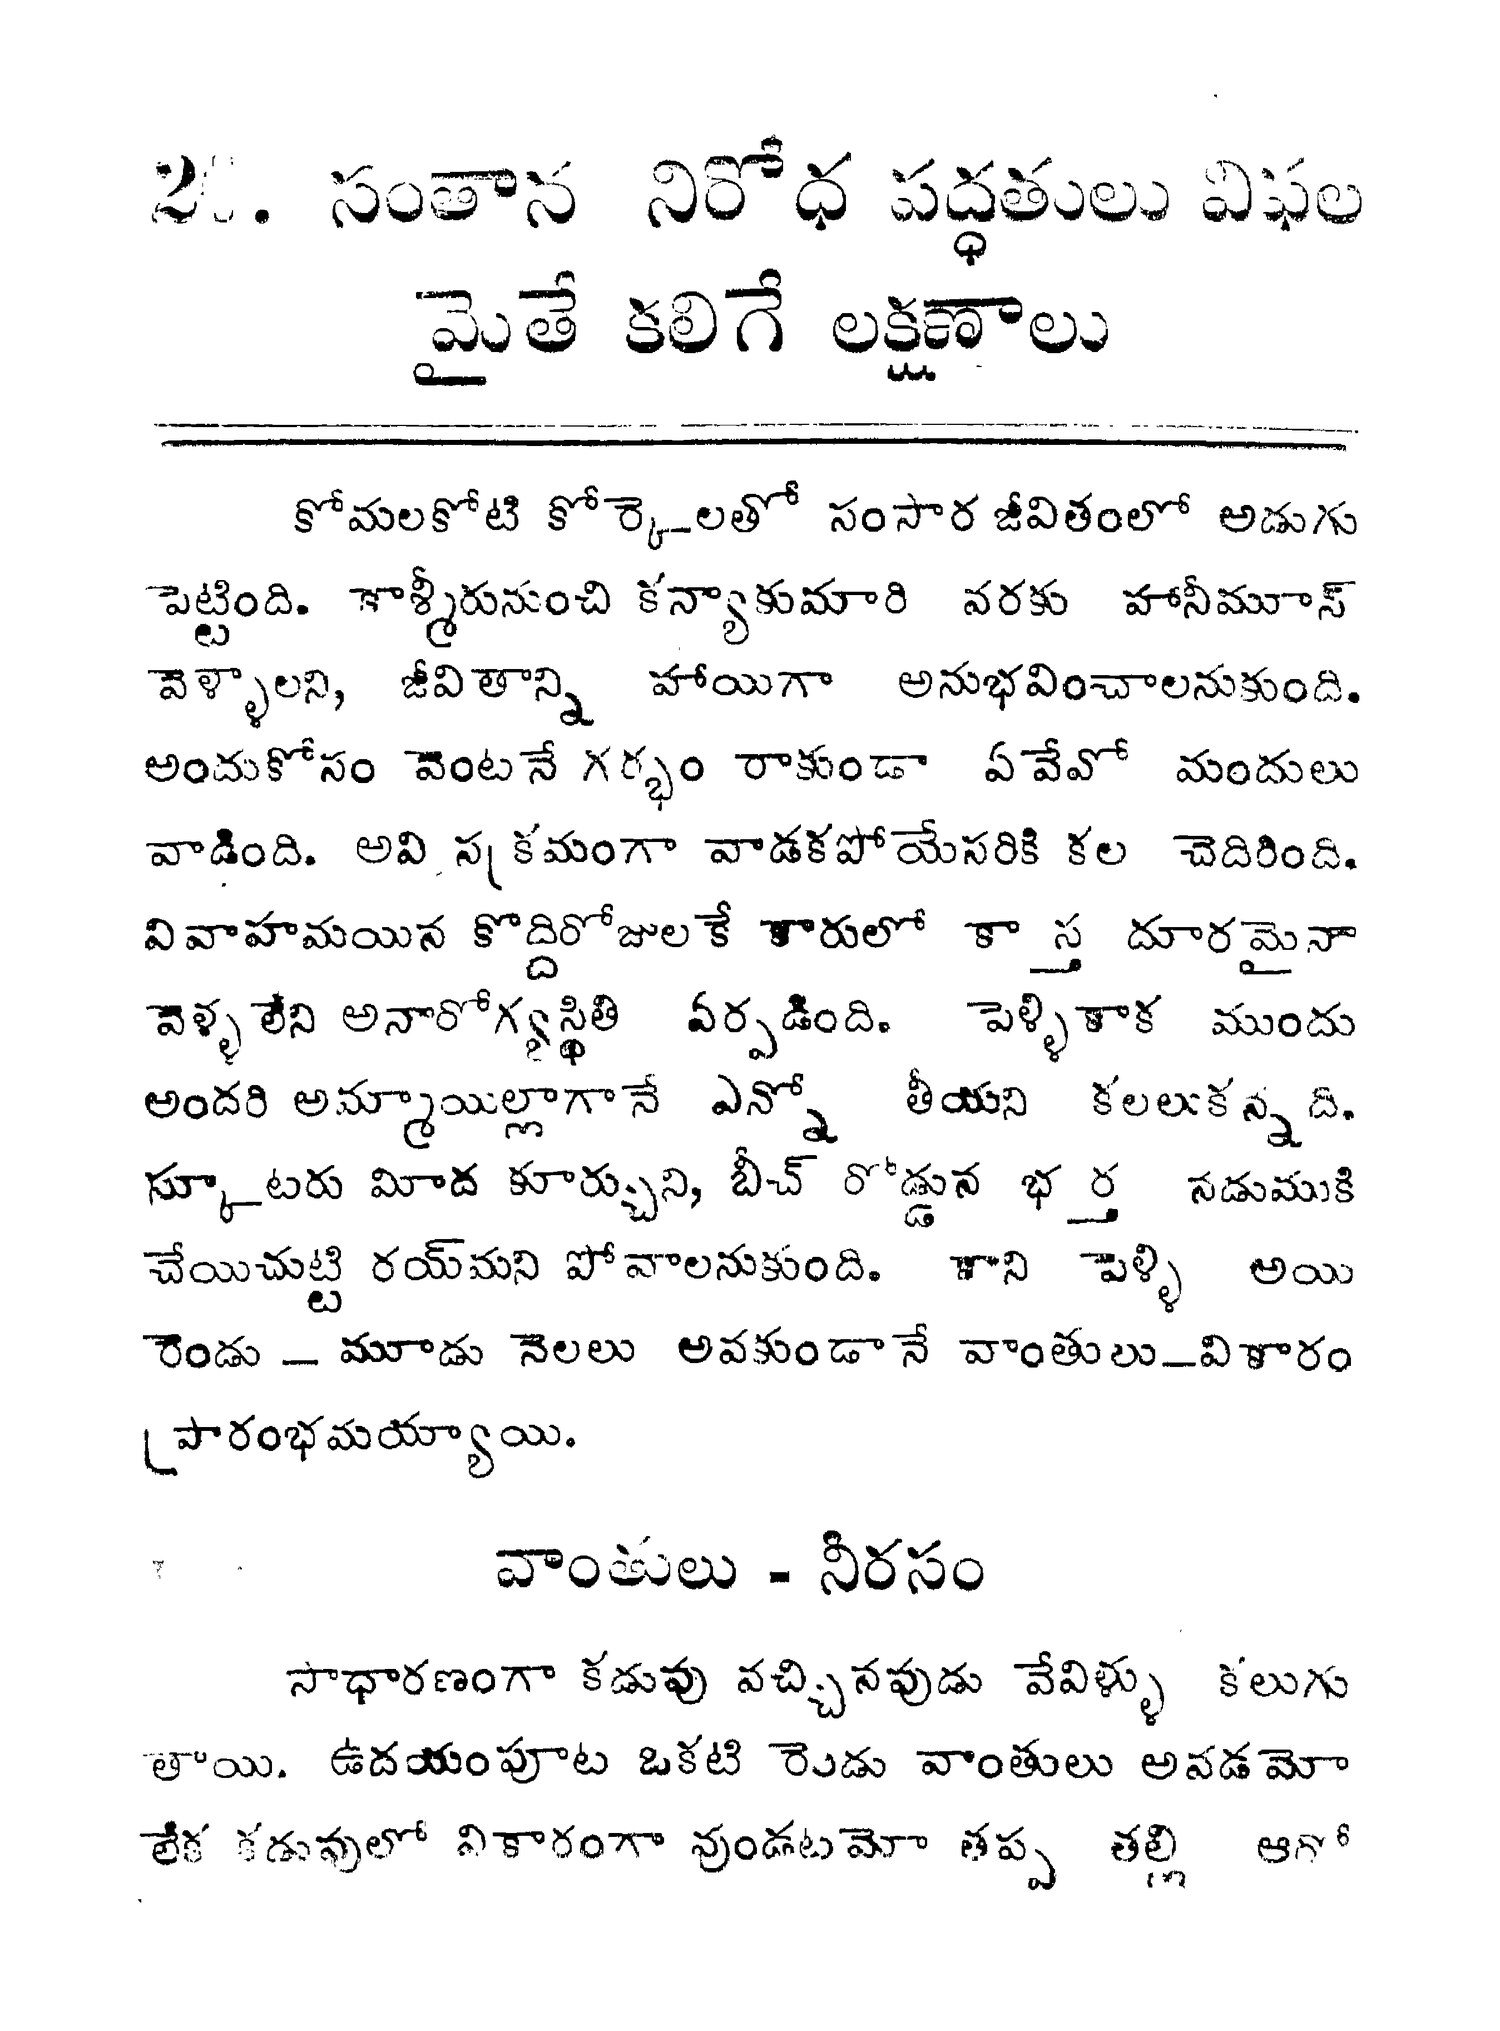కోమల కోటి కోర్కెలతో సంసార జీవితంలో అడుగు పెట్టింది. కాశ్మీరునుంచి కన్యాకుమారి వరకు హనీమూన్ వెళ్ళాలని, జీవితాన్ని హాయిగా అనుభవించాలనుకుంది. అందుకోసం వెంటనే గర్భం రాకుండా ఏవేవో మందులు వాడింది. అవి సక్రమంగా వాడకపోయేసరికి కల చెదిరింది. వివాహమయిన కొద్దిరోజులకే కారులో కాస్త దూరమైనా వెళ్ళలేని అనారోగ్యస్థితి ఏర్పడించి. పెళ్ళికాక ముందు అందరి అమ్మాయిల్లాగానే ఎన్నో తీయని కలలుకన్నది. స్కూటరు మీద కూర్చుని, బీచ్ రోడ్డున భర్త నడుముకి చేయిచుట్టి రయ్‌మని పోవాలనుకుంది. కాని పెళ్ళి అయి రెండు-మూడు నెలలు అవకుండానే వాంతులు - వికారం ప్రారంభంఆయ్యాయి.

సాధారణంగా కడుపు వచ్చినప్పుడు వేవిళ్ళు కలుగుతాయి. ఉదయంపూ'ట ఒకటి రెండు వాంతులు అవడమో లేక కడుపులో వికారంగా వుండటమో తప్ప తల్లి ఆరో